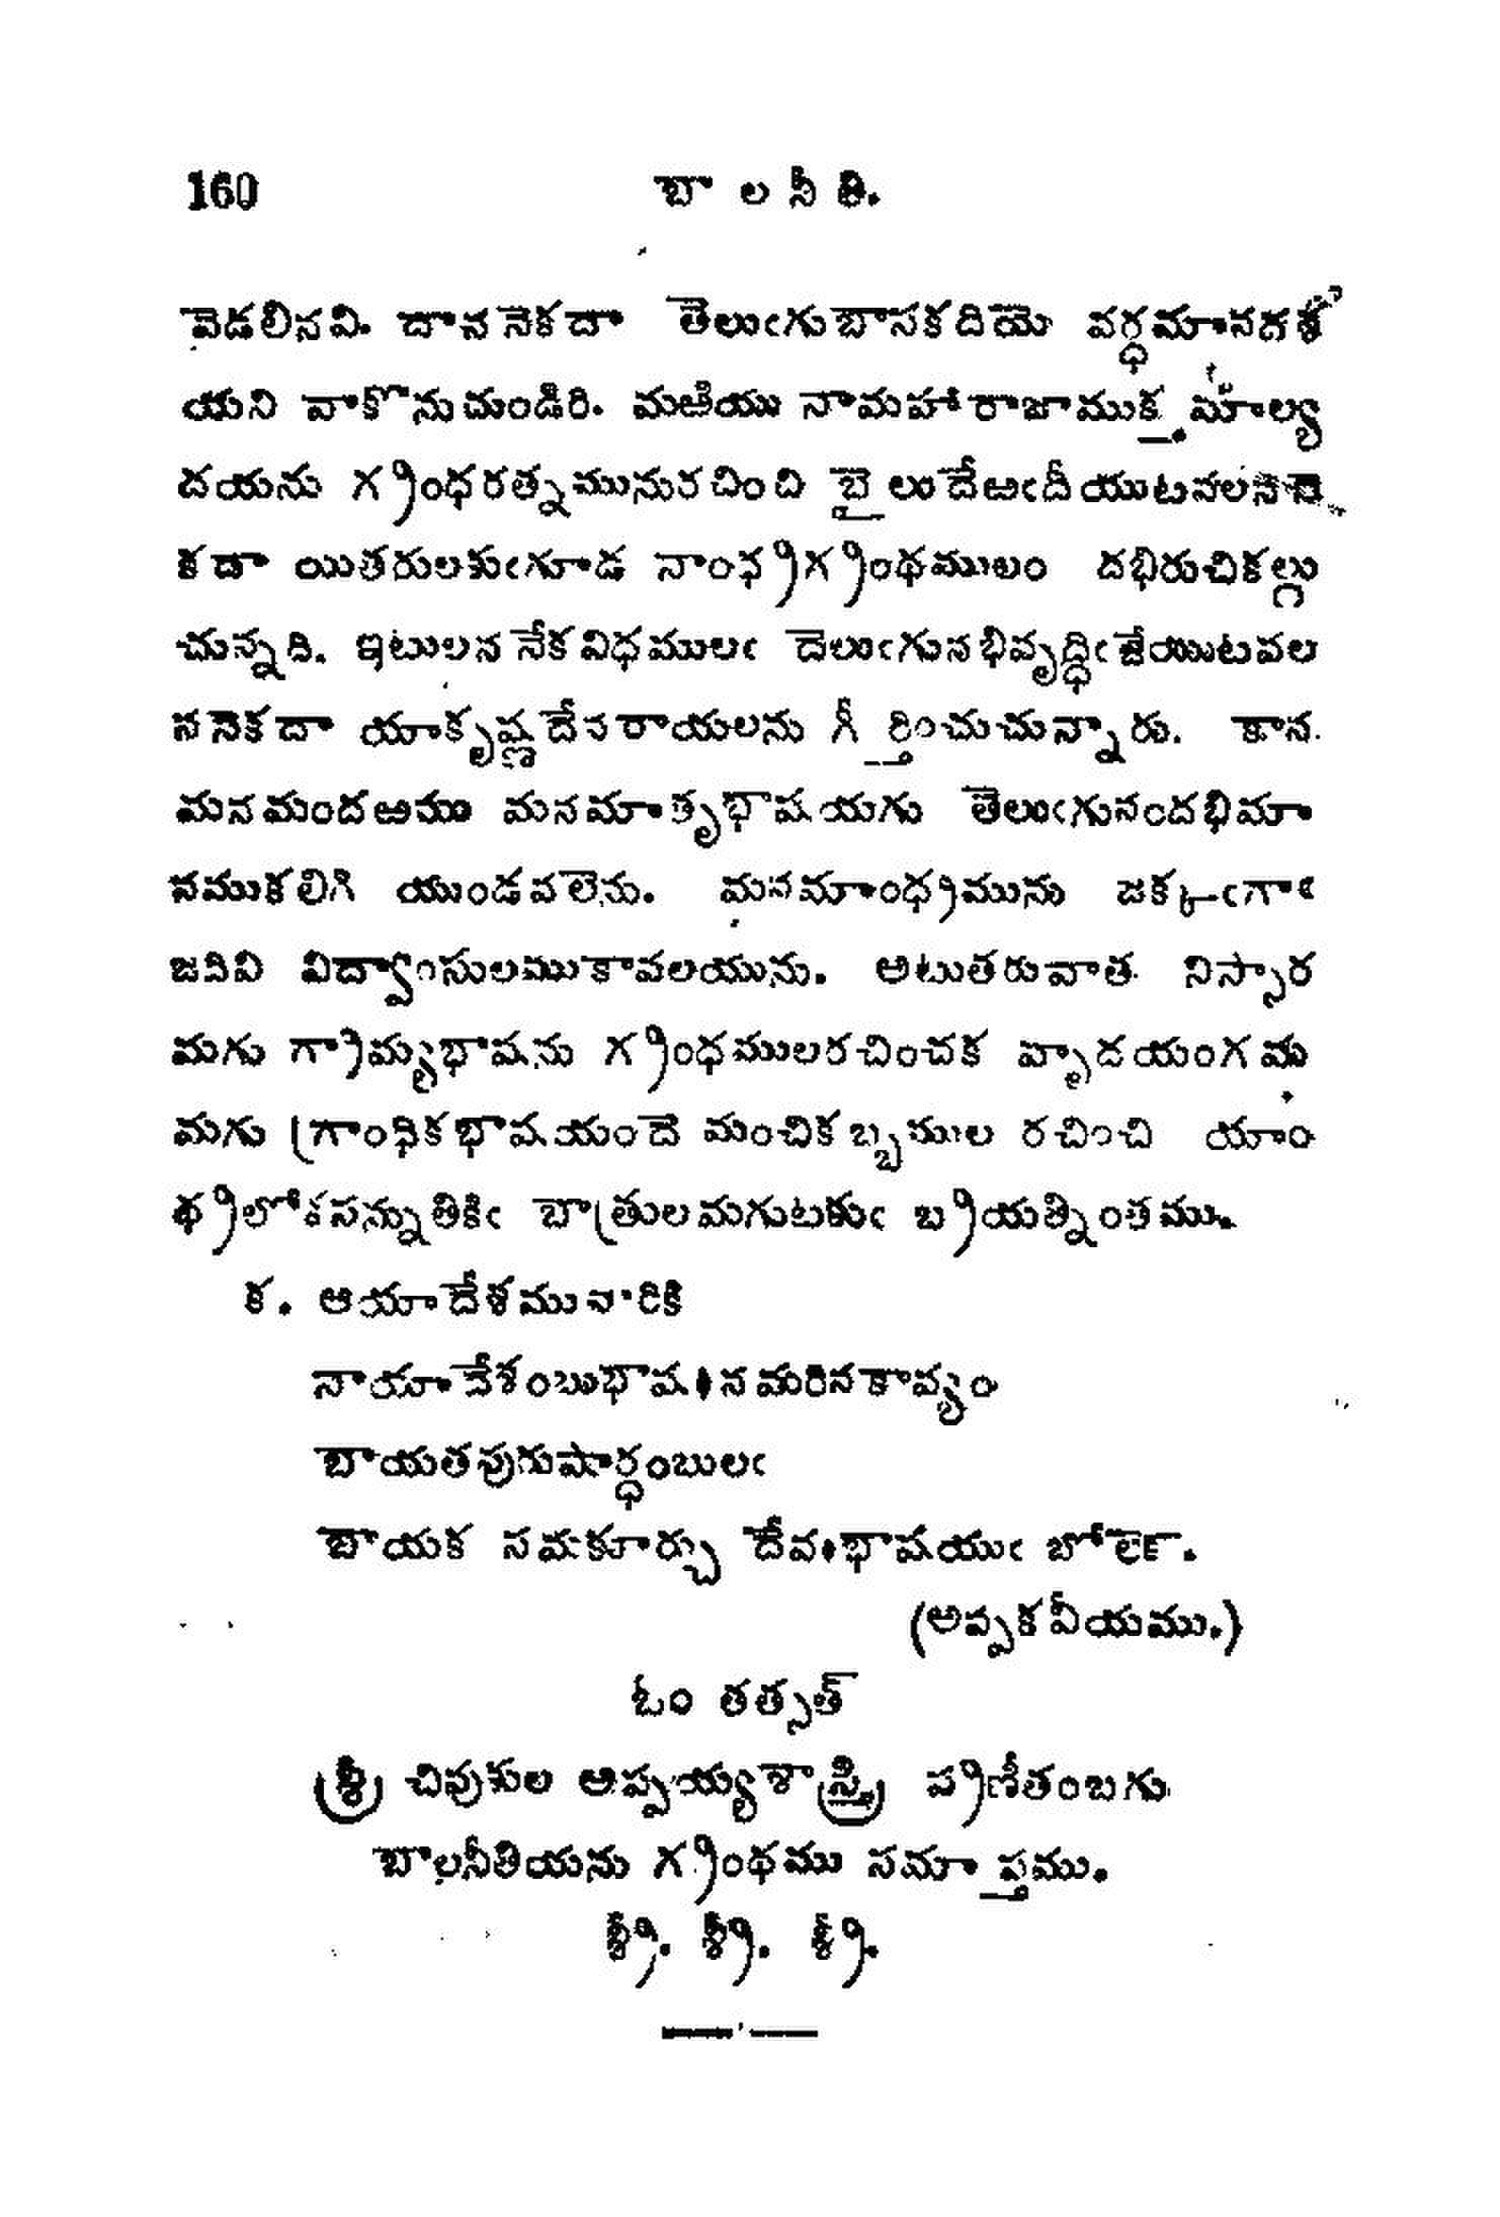వెడలినవి. దాననెకదా తెలుఁగుబాసకదియె వర్ధమానదశ 
యని వాకొనుచుండిరి. మఱియు నామహారాజాముక్తమాల్య
దయను గ్రంధరత్నమును రచించి బైలుదేఱఁదీయుటవలననె
కదా యితరులకుఁగూడ నాంధ్రగ్రంథములం దభిరుచికల్గు
చున్నది. ఇటులననేకవిధములఁ దెలుఁగునభివృద్ధిఁజేయుటవల
ననెకదా యాకృష్ణదేవరాయలను గీర్తించుచున్నారు. కాన
మనమందఱము మనమాతృబాషయగు తెలుఁగునందభిమా
నముకలిగి యుండవలెను. మనమాంధ్రమును జక్కఁగాఁ 
జదివి విద్వాంసులముకావలయును. అటుతరువాత నిస్సార 
మగు గ్రామ్యభాషను గ్రంధములరచించక హృదయంగమ
మగు గ్రాంధికభాషయందె మంచికబ్బముల రచించి యాం
ధ్రలోకసన్నుతికిఁ బాత్రులమగుటకుఁ బ్రయత్నింతము.

క. ఆయాదేశమువారికి
 నాయాదేశంబుభాష♦నమరినకావ్యం
 బాయతపురుషార్ధంబులఁ
 బాయక సమకూర్చు దేవ♦భాషయుఁ బోలెన్.
 (అప్పకవీయము.)